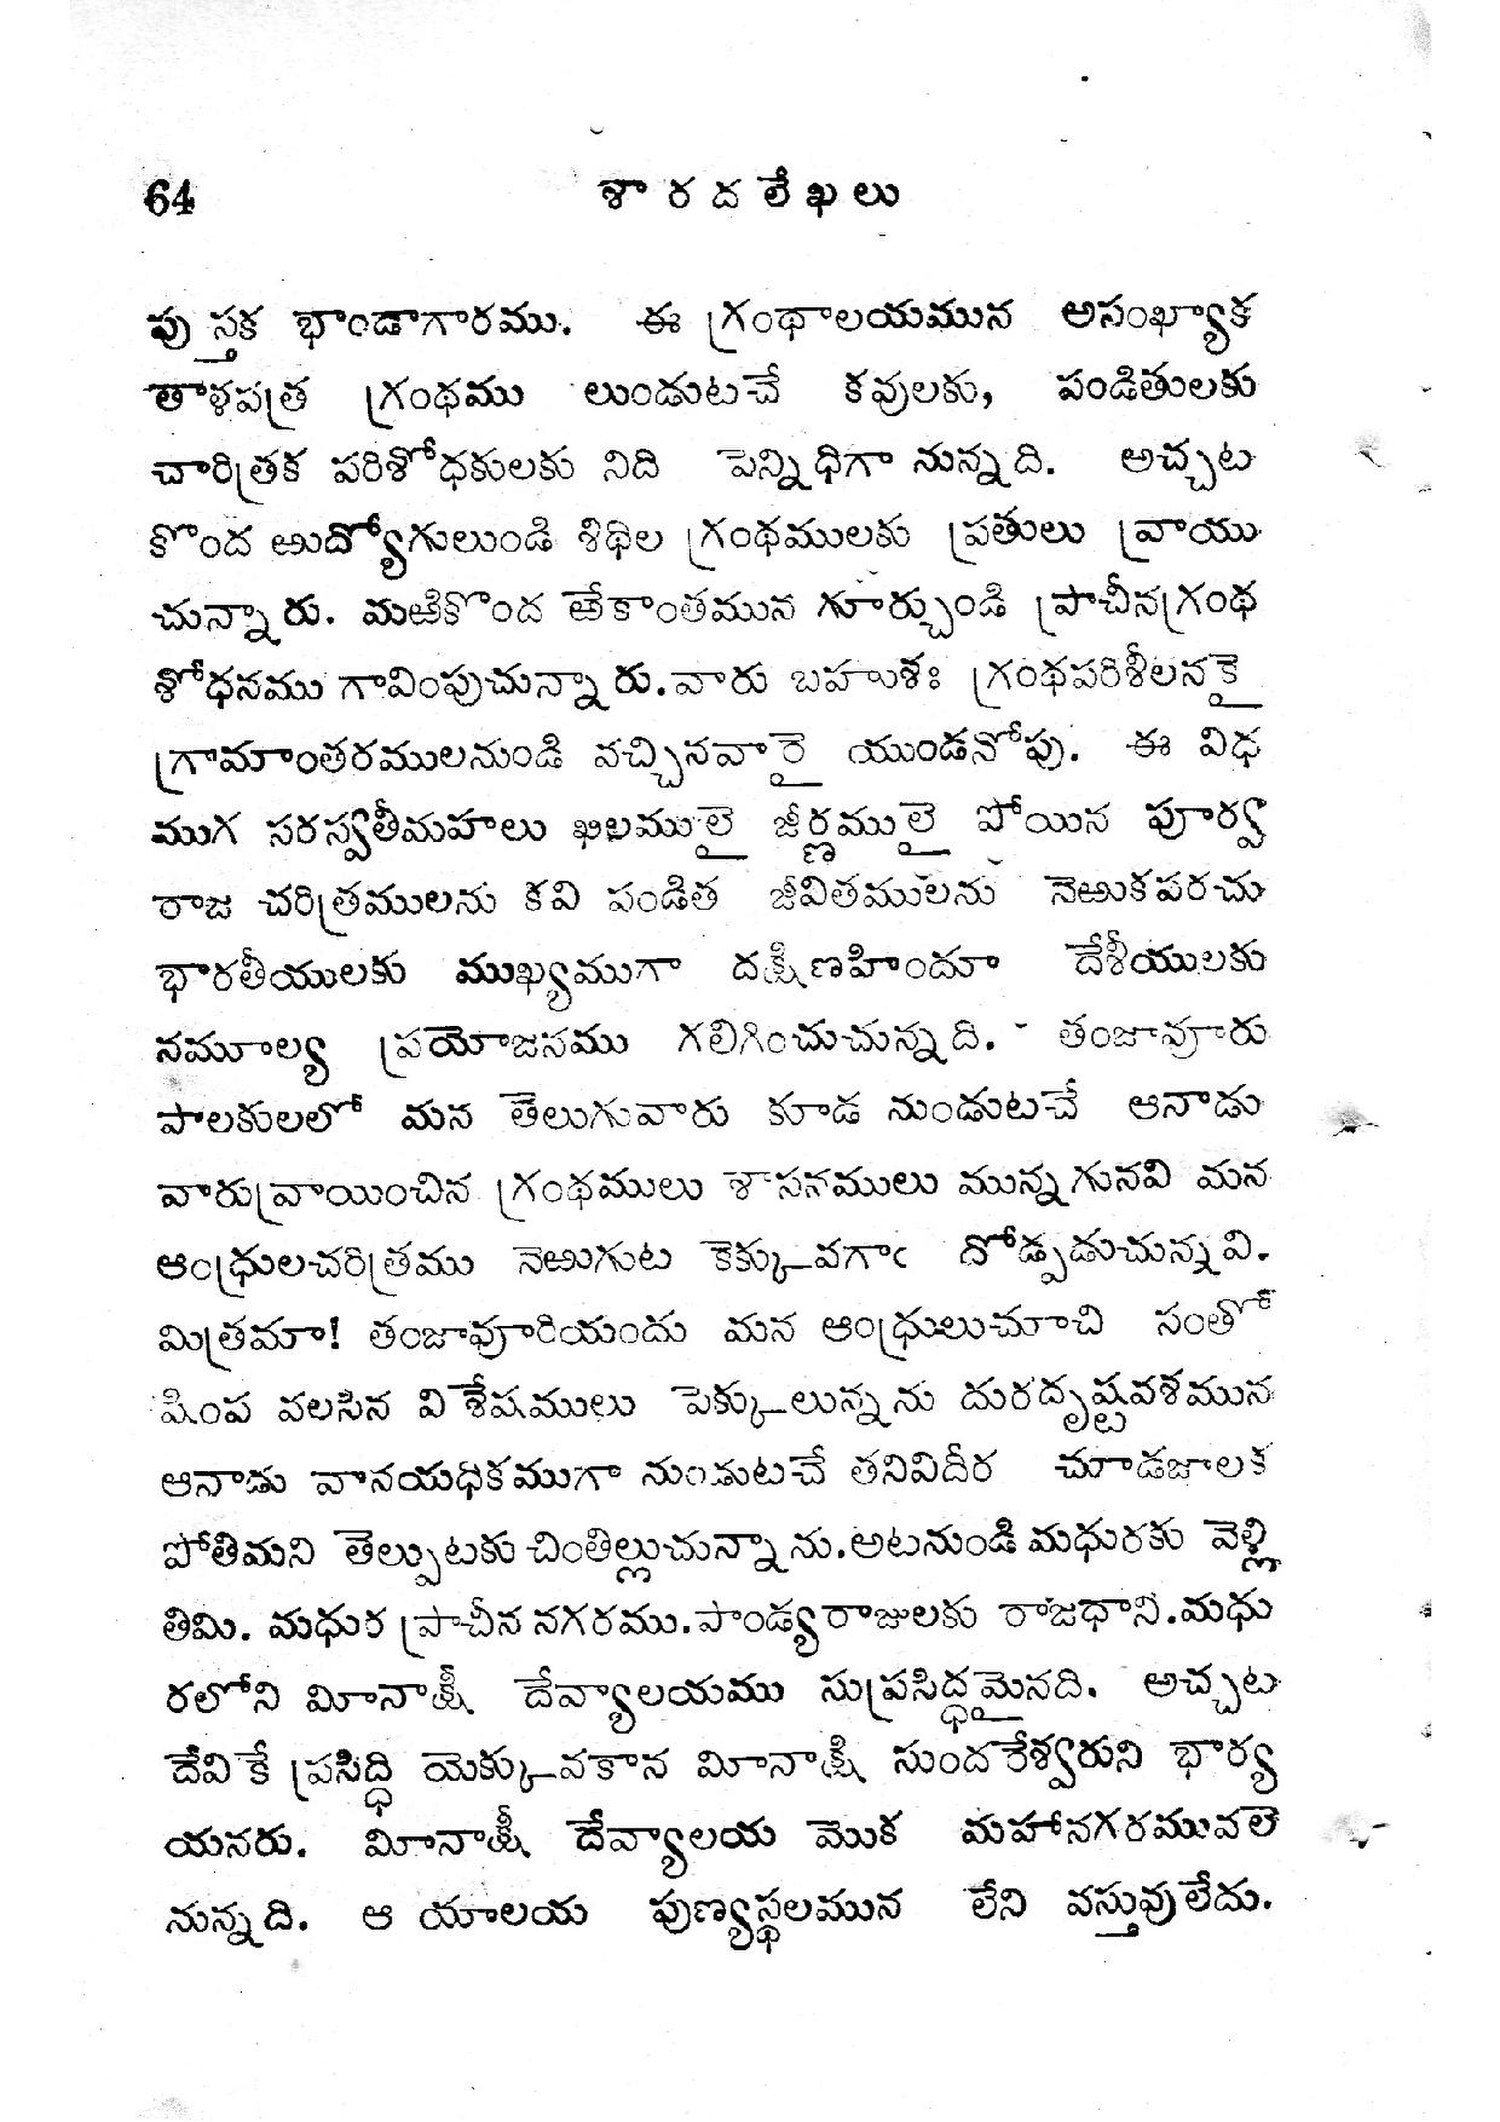పుస్తక భాండాగారము. ఈ గ్రంథాలయమున అసంఖ్యాక తాళపత్ర గ్రంథము లుండుటచే కవులకు, పండితులకు చారిత్రక పరిశోధకులకు నిది పెన్నిధిగా నున్నది. అచ్చట కొంద ఱుద్యోగులుండి శిథిల గ్రంథములకు ప్రతులు వ్రాయుచున్నారు. మఱికొంద ఱేకాంతమున గూర్చుండి ప్రాచీనగ్రంథ శోధనము గావింపుచున్నారు. వారు బహుశః గ్రంథపరిశీలనకై గ్రామాంతరములనుండి వచ్చినవారై యుండనోపు. ఈ విధముగ సరస్వతీమహలు ఖిలములై జీర్ణములై పోయిన పూర్వరాజ చరిత్రములను కవి పండిత జీవితములను నెఱుకపరచు భారతీయులకు ముఖ్యముగా దక్షిణహిందూ దేశీయులకు నమూల్య ప్రయోజనము గలిగించుచున్నది. తంజావూరు పాలకులలో మన తెలుగువారు కూడ నుండుటచే ఆనాడు
వారువ్రాయించిన గ్రంథములు శాసనములు మున్నగునవి మన ఆంధ్రులచరిత్రము నెఱుగుట కెక్కువగాఁ దోడ్పడుచున్నవి. మిత్రమా! తంజావూరియందు మన ఆంధ్రులుచూచి సంతోషింప వలసిన విశేషములు పెక్కులున్నను దురదృష్టవశమున ఆనాడు వానయధికముగా నుండుటచే తనివిదీర చూడజాలక పోతిమని తెల్పుటకు చింతిల్లుచున్నాను. అటనుండి మధురకు వెళ్లితిమి. మధుర ప్రాచీన నగరము. పాండ్యరాజులకు రాజధాని. మధురలోని మీనాక్షీ దేవ్యాలయము సుప్రసిద్ధమైనది. అచ్చట దేవికే ప్రసిద్ధి యెక్కువకాన మీనాక్షి సుందరేశ్వరుని భార్య యనరు. మీనాక్షీ దేవ్యాలయ మొక మహానగరమువలె నున్నది. ఆ యాలయ పుణ్యస్థలమున లేని వస్తువులేదు.